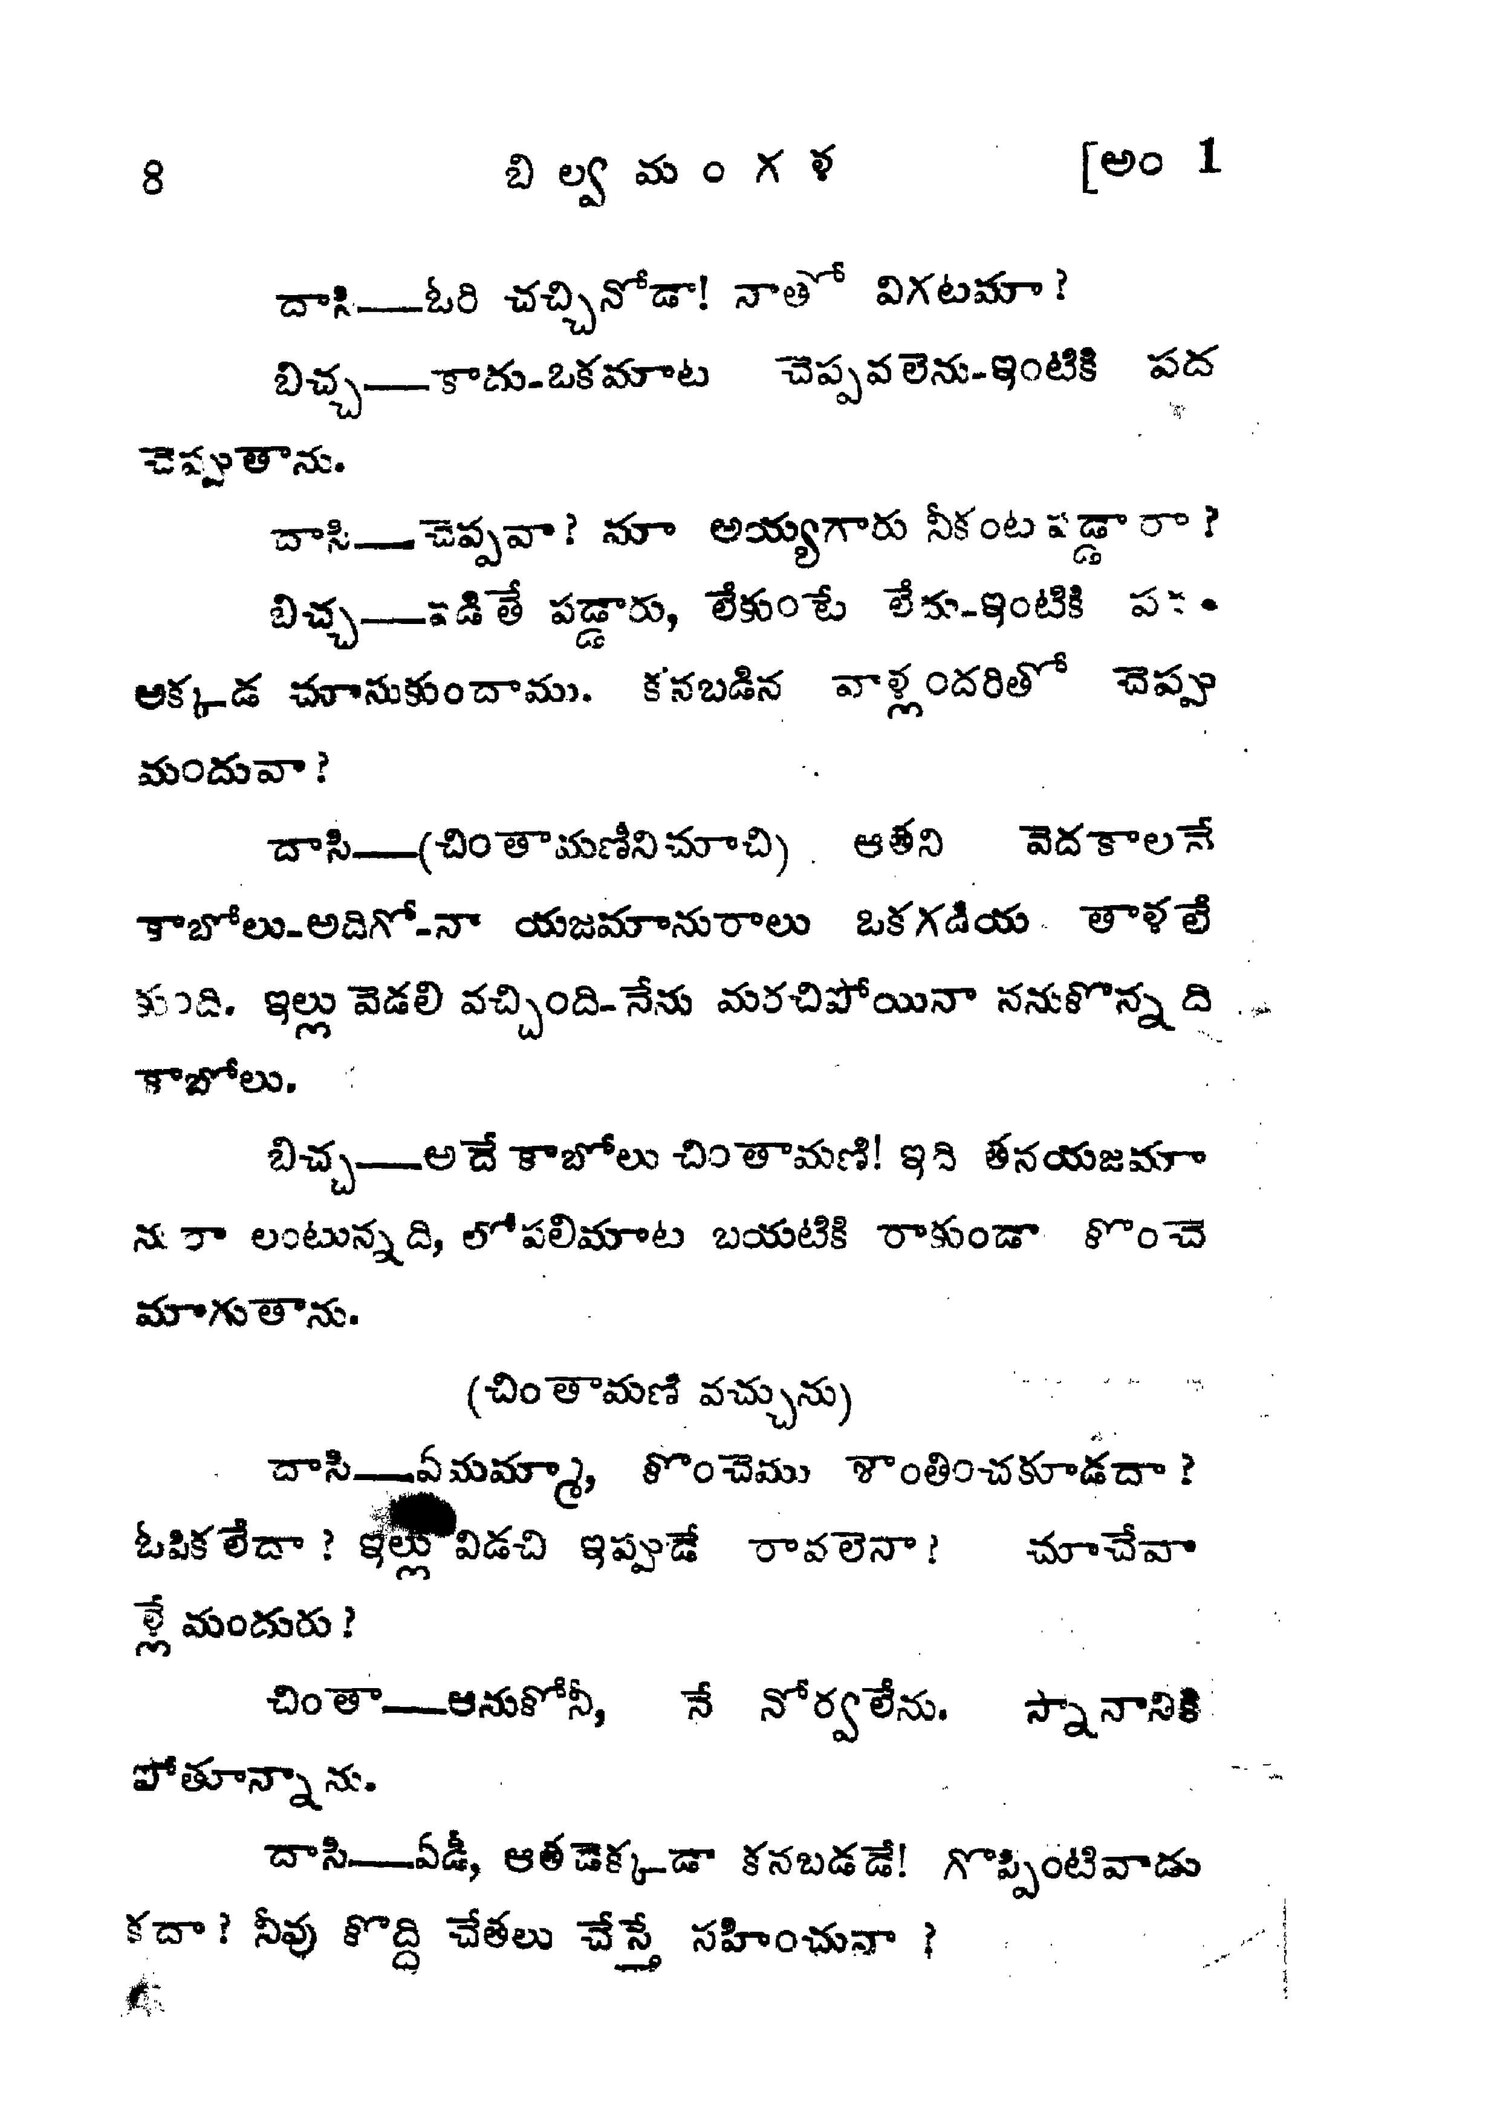దాసి - ఓరి చచ్చినోడా! నాతో విగటమా?

బిచ్చ - కాదు - ఒకమాట చెప్పవలెను - ఇంటికి పద చెప్పుతాను.

దాసి - చెప్పవా? మా అయ్యగారు నీకంటపడ్డారా?

బిచ్చ - పడితే పడ్డారు, లేకుంటే లేదు - ఇంటికి పద. అక్కడ చూసుకుందాము. కనబడిన వాళ్లందరితో చెప్పు మందువా?

దాసి - (చింతామణినిచూచి) ఆతని వెదకాలనే కాబోలు - అదిగో - నా యజమానురాలు ఒకగడియ తాళలేకుంది. ఇల్లు వెడలి వచ్చింది - నేను మరచిపోయినా ననుకొన్నది - కాబోలు.

బిచ్చ - అదే కాబోలు చింతామణి! ఇది తనయజమానురా లంటున్నది, లోపలిమాట బయటికి రాకుండా కొంచె మాగుతాను.

దాసి - ఏమమ్మా, కొంచెము శాంతించకూడదా? ఓపికలేదా ? ఇల్లు విడచి ఇప్పుడే రావలెనా? చూచేవాళ్లేమందురు?

చింతా - అనుకోనీ, నే నోర్వలేను. స్నానానికి పోతూన్నాను.

దాసి - ఏడీ, ఆతడెక్కడా కనబడడే! గొప్పింటివాడు కదా? నీవు కొద్ది చేతలు చేస్తే సంహించునా?